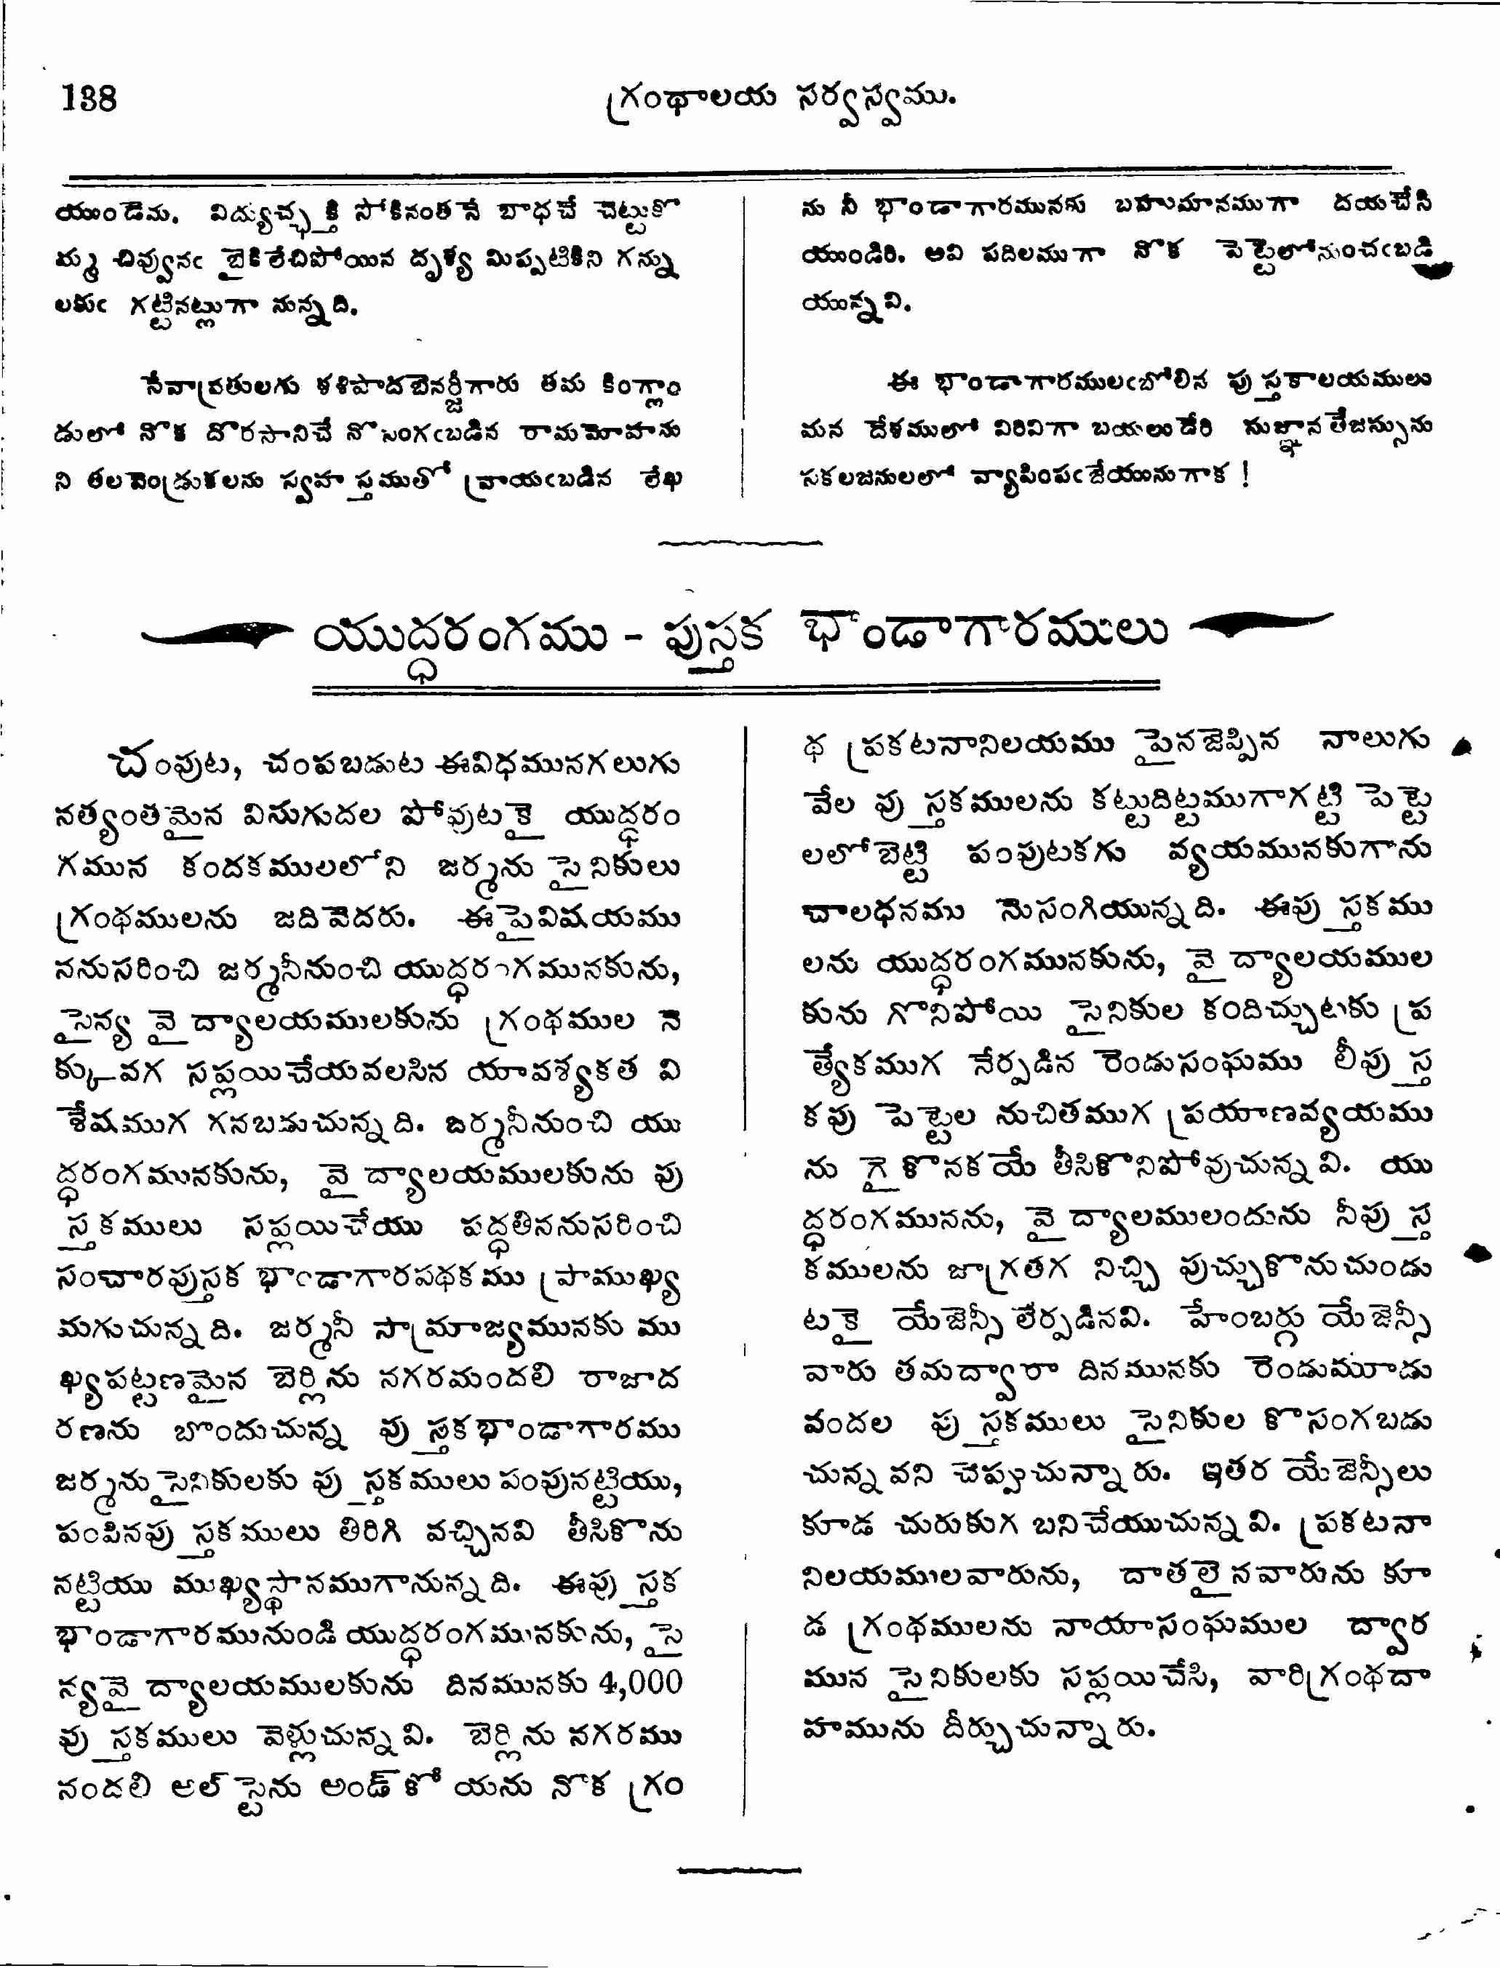యుండెను, విద్యుచ్ఛక్తి సోకినంతనే బాధచే చెట్టుకొమ్మ చివ్వునఁ బైకిలేచిపోయిన దృశ్య మిప్పటికిని గన్నులకుఁ గట్టినట్లుగా నున్నది.

సేవావ్రతులగు శశిపాద బెనర్జీ గారు తమ కింగ్హాండులో నొక దొరసానిచే నొసంగఁబడిన రామమోహనుని తల వెండ్రుకలను స్వహస్తముతో వ్రాయఁబడిన లేఖ
ను నీభాండాగారమునకు బహుమానముగా దయచేసి
యుండిరి. అవి పదిలముగా నొక పెట్టెలోనుంచఁబడి
యున్నవి.

ఈ భాండాగారములఁబోలిన పుస్తకాలయములు
మన దేశములో విరివిగా బయలుదేరి నుజ్ఞాన తేజస్సును
సకలజనులలో వ్యాపింపఁజేయునుగాక!

యుద్ధరంగము - పుస్తక భాండాగారములు

చంపుట, చంపబడుట ఈ విధమునగలుగు
నత్యంతమైన విసుగుదల పోవుటకై యుద్ధరంగమున కందకములలోని జర్మను సైనికులు
గ్రంథములను జదివెదరు. ఈ పైవిషయము
ననుసరించి జర్మనీనుంచి యుద్ధరంగమునకును,
సైన్య వైద్యాలయములకును గ్రంథముల నెక్కువగ సప్లయి చేయవలసిన యావశ్యకత విశేషముగ గనబడుచున్నది. జర్మనీనుంచి
యుద్ధరంగమునకును, వైద్యాలయములకును పుస్తకములు సప్లయి చేయు పద్ధతిననుసరించి
సంచారపుస్తక భాండాగార పథకము ప్రాముఖ్యమగుచున్నది. జర్మనీ సామ్రాజ్యమునకు ముఖ్యపట్టణమైన బెర్లిను నగరమందలి రాజాదరణను బొందుచున్న పుస్తక భాండాగారము
జర్మను సైనికులకు పుస్తకములు పంపునట్టియు,
పంపినపు స్తకములు తిరిగి వచ్చినవి తీసికొను
నట్టియు ముఖ్యస్థానముగానున్నది. ఈ పుస్తక
భాండాగారమునుండి యుద్ధరంగమునకును, సైన్య వైద్యాలయములకును దినమునకు 4,000
పుస్తకములు వెళ్లుచున్నవి. బెర్లిను నగరము
నందలి అల్ స్టెను అండ్ కో యను నొక గ్రంధ ప్రకటనానిలయము పైనజెప్పిన నాలుగు
వేల పుస్తకములను కట్టుదిట్టముగా గట్టి పెట్టెలలో బెట్టి పంపుటకు వ్యయమునకుగాను
చాలధనము మెసంగియున్నది. ఈపుస్తకములను యుద్ధరంగమునకును, వైద్యాలయములకును గొనిపోయి సైనికులు కందిచ్చుటకు ప్రత్యేకముగ నేర్పడిన రెండు సంఘములీ పుస్తకపు పెట్టెలనుచితముగ ప్రయాణ వ్యయమును గైకొనకయే తీసికొనిపోవుచున్నవి. యుద్ధరంగమునను, వైద్యాలములందును నీ పుస్తకములను జాగ్రతగ నిచ్చి పుచ్చుకొనుచుండుటకై యేజెన్సీ లేర్పడినవి. హేంబర్లు యేజెన్సీవారు తమద్వారా దినమునకు రెండుమూడు వందల పుస్తకములు సైనికుల కొసంగబడుచున్నవని చెప్పుచున్నారు. ఇతర యేజెన్సీలు
కూడ చురుకుగ బని చేయుచున్నవి. ప్రకటనా
నిలయములవారును, దాతలైనవారును కూడ గ్రంథములను నాయాసంఘముల ద్వారమున సైనికులకు సప్లయి చేసి, వారి గ్రంథ దాహమును దీర్చుచున్నారు.